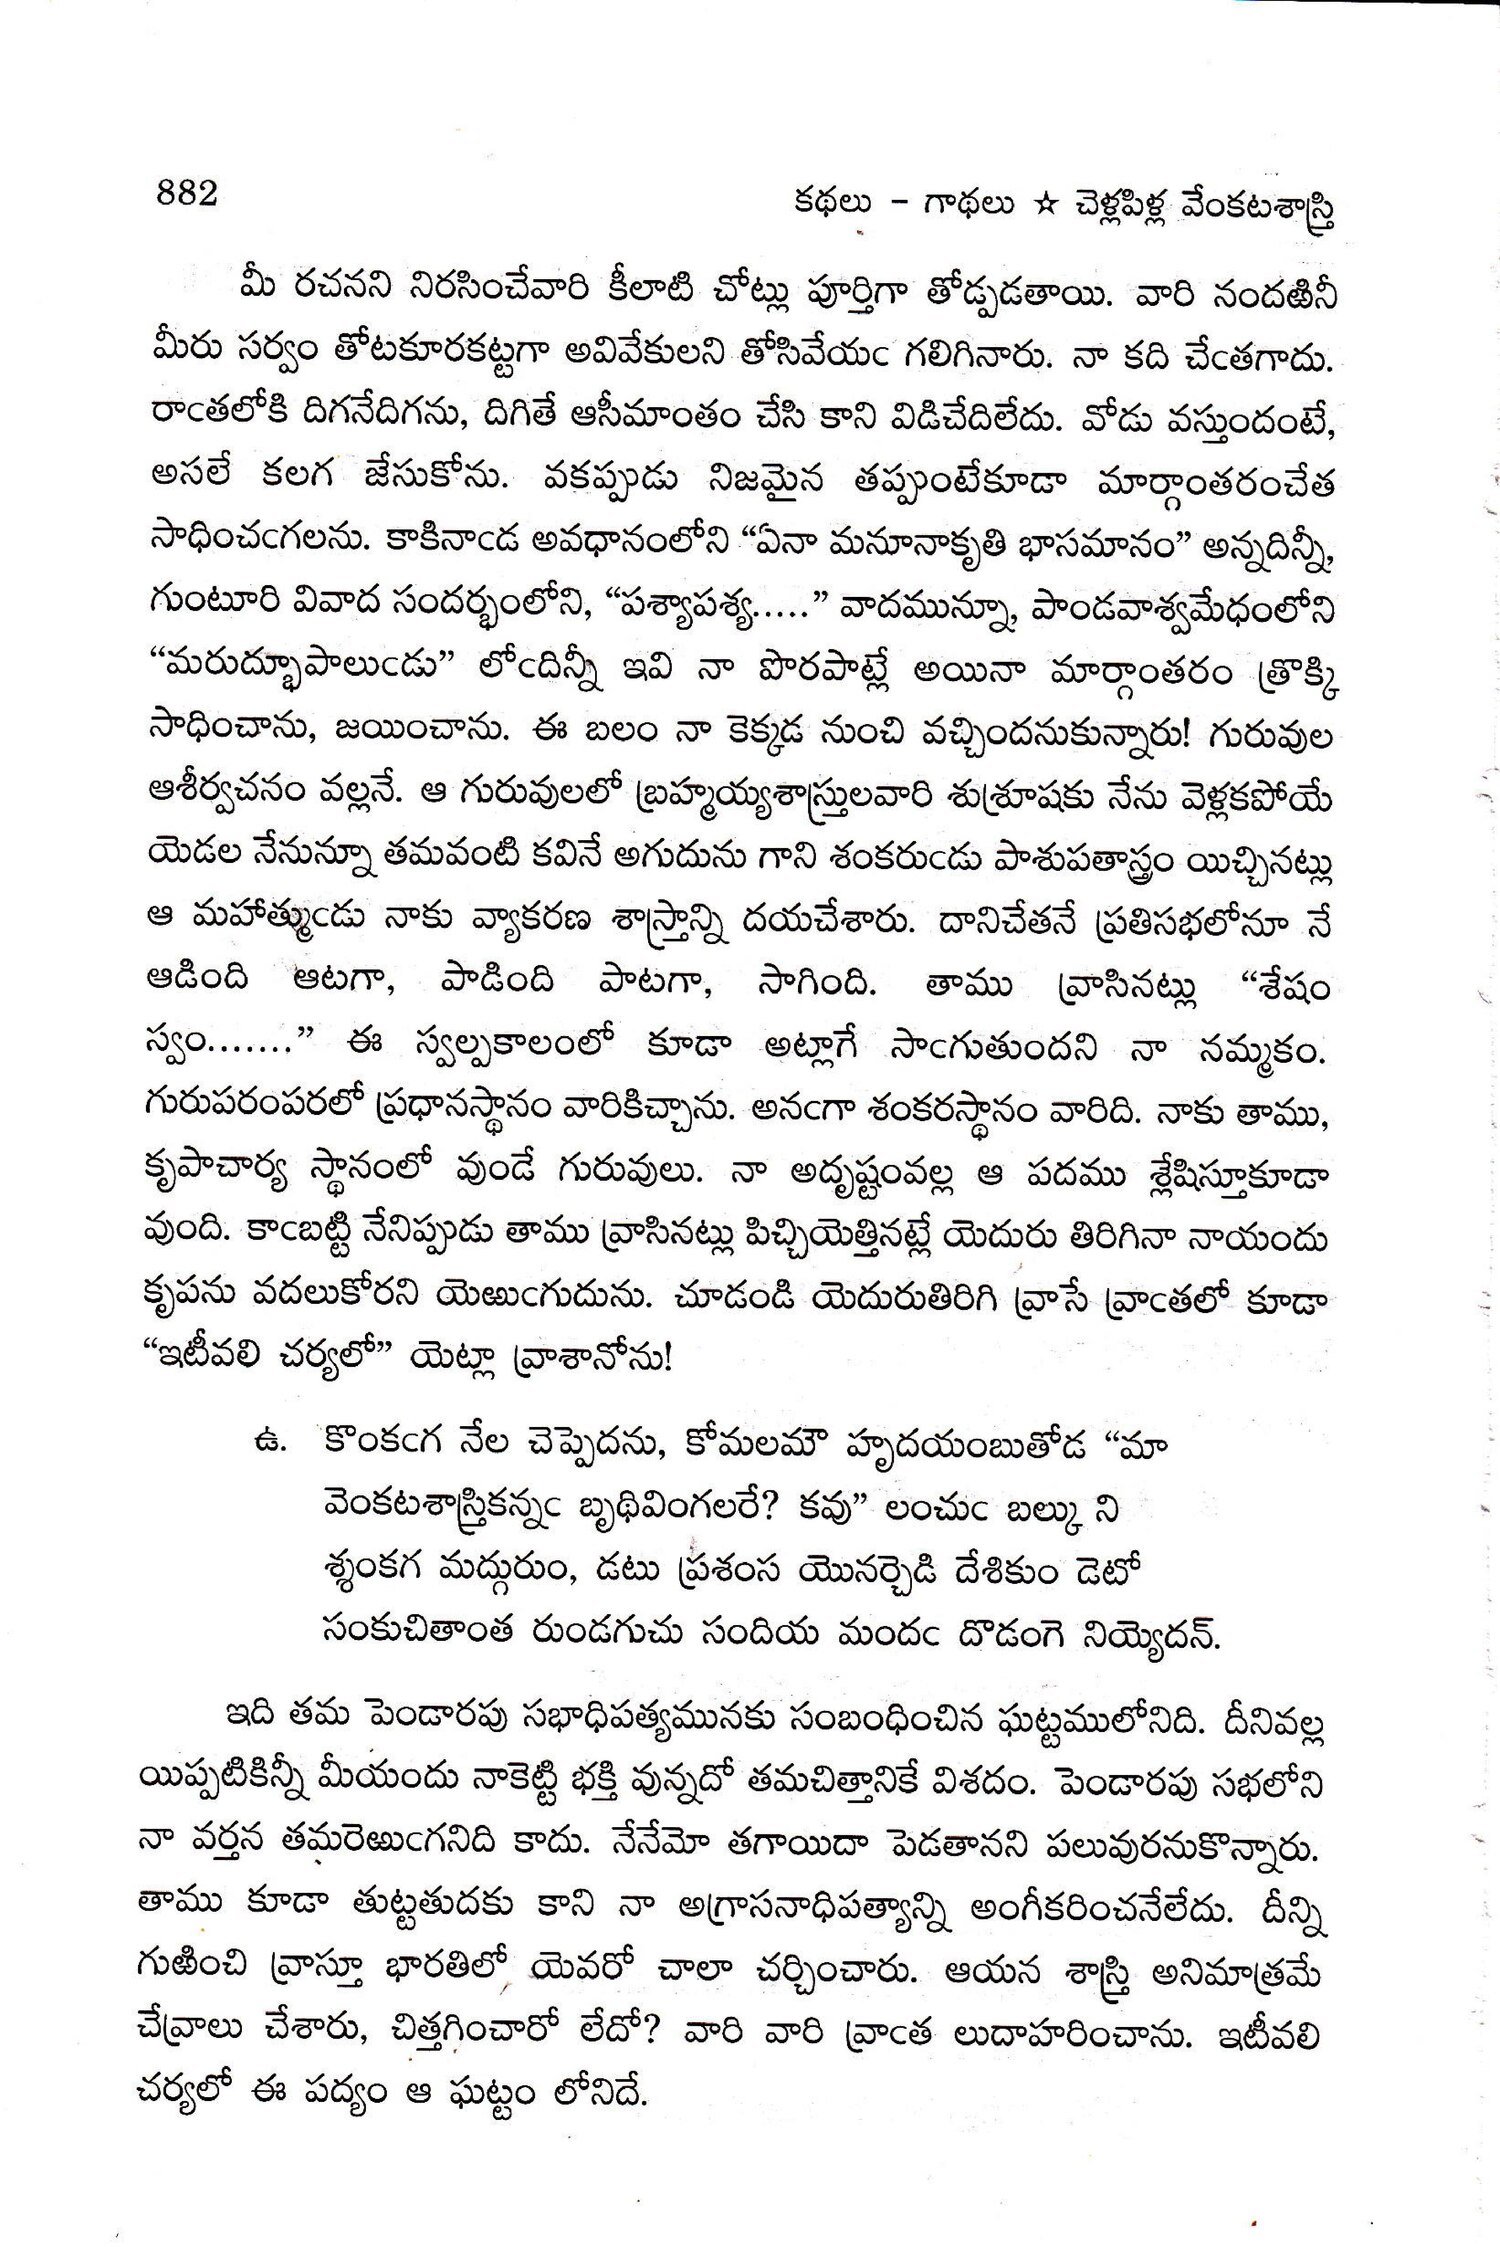మీ రచనని నిరసించేవారి కీలాటి చోట్లు పూర్తిగా తోడ్పడతాయి. వారి నందఱినీ మీరు సర్వం తోటకూరకట్టగా అవివేకులని తోసివేయఁ గలిగినారు. నా కది చేఁతగాదు. రాఁతలోకి దిగనేదిగను, దిగితే ఆసీమాంతం చేసి కాని విడిచేదిలేదు. వోడు వస్తుందంటే, అసలే కలగ జేసుకోను. వకప్పుడు నిజమైన తప్పుంటేకూడా మార్గాంతరంచేత సాధించఁగలను. కాకినాఁడ అవధానంలోని “ఏనా మనూనాకృతి భాసమానం” అన్నదిన్నీ గుంటూరి వివాద సందర్భంలోని, “పశ్యాపశ్య....." వాదమున్నూ, పాండవాశ్వమేధంలోని “మరుద్భూపాలుఁడు" లోఁదిన్నీ ఇవి నా పొరపాట్లే అయినా మార్గాంతరం త్రొక్కి సాధించాను, జయించాను. ఈ బలం నా కెక్కడ నుంచి వచ్చిందనుకున్నారు! గురువుల ఆశీర్వచనం వల్లనే. ఆ గురువులలో బ్రహ్మయ్యశాస్త్రులవారి శుశ్రూషకు నేను వెళ్లకపోయే యెడల నేనున్నూతమవంటి కవినే అగుదును గాని శంకరుఁడు పాశుపతాస్త్రం యిచ్చినట్లు ఆ మహాత్ముఁడు నాకు వ్యాకరణ శాస్త్రాన్ని దయచేశారు. దానిచేతనే ప్రతిసభలోనూ నే ఆడింది ఆటగా, పాడింది పాటగా, సాగింది. తాము వ్రాసినట్లు “శేషం స్వం.......” ఈ స్వల్పకాలంలో కూడా అట్లాగే సాఁగుతుందని నా నమ్మకం. గురుపరంపరలో ప్రధానస్థానం వారికిచ్చాను. అనఁగా శంకరస్థానం వారిది. నాకు తాము, కృపాచార్య స్థానంలో వుండే గురువులు. నా అదృష్టంవల్ల ఆ పదము శ్లేషిస్తూకూడా వుంది. కాఁబట్టి నేనిప్పుడు తాము వ్రాసినట్లు పిచ్చియెత్తినట్లే యెదురు తిరిగినా నాయందు కృపను వదలుకోరని యెఱుఁగుదును. చూడండి యెదురుతిరిగి వ్రాసే వ్రాఁతలో కూడా "ఇటీవలి చర్యలో" యెట్లా వ్రాశానోను!

ఉ. కొంకఁగ నేల చెప్పెదను, కోమలమౌ హృదయంబుతోడ “మా 
 వెంకటశాస్త్రికన్నఁ బృథివింగలరే? కవు" లంచుఁ బల్కు ని 
 శ్శంకగ మద్గురుం, డటు ప్రశంస యొనర్చెడి దేశికుం డెటో 
 సంకుచితాంత రుండగుచు సందియ మందఁ దొడంగె నియ్యెదన్.
ఇది తమ పెండారపు సభాధిపత్యమునకు సంబంధించిన ఘట్టములోనిది. దీనివల్ల యిప్పటికిన్నీమీయందు నాకెట్టి భక్తి వున్నదో తమచిత్తానికే విశదం. పెండారపు సభలోని నా వర్తన తమరెఱుఁగనిది కాదు. నేనేమో తగాయిదా పెడతానని పలువురనుకొన్నారు. తాము కూడా తుట్టతుదకు కాని నా అగ్రాసనాధిపత్యాన్ని అంగీకరించనేలేదు. దీన్ని గుఱించి వ్రాస్తూ భారతిలో యెవరో చాలా చర్చించారు. ఆయన శాస్త్రి అనిమాత్రమే చేవ్రాలు చేశారు, చిత్తగించారో లేదో? వారి వారి వ్రాఁత లుదాహరించాను. ఇటీవలి చర్యలో ఈ పద్యం ఆ ఘట్టం లోనిదే.